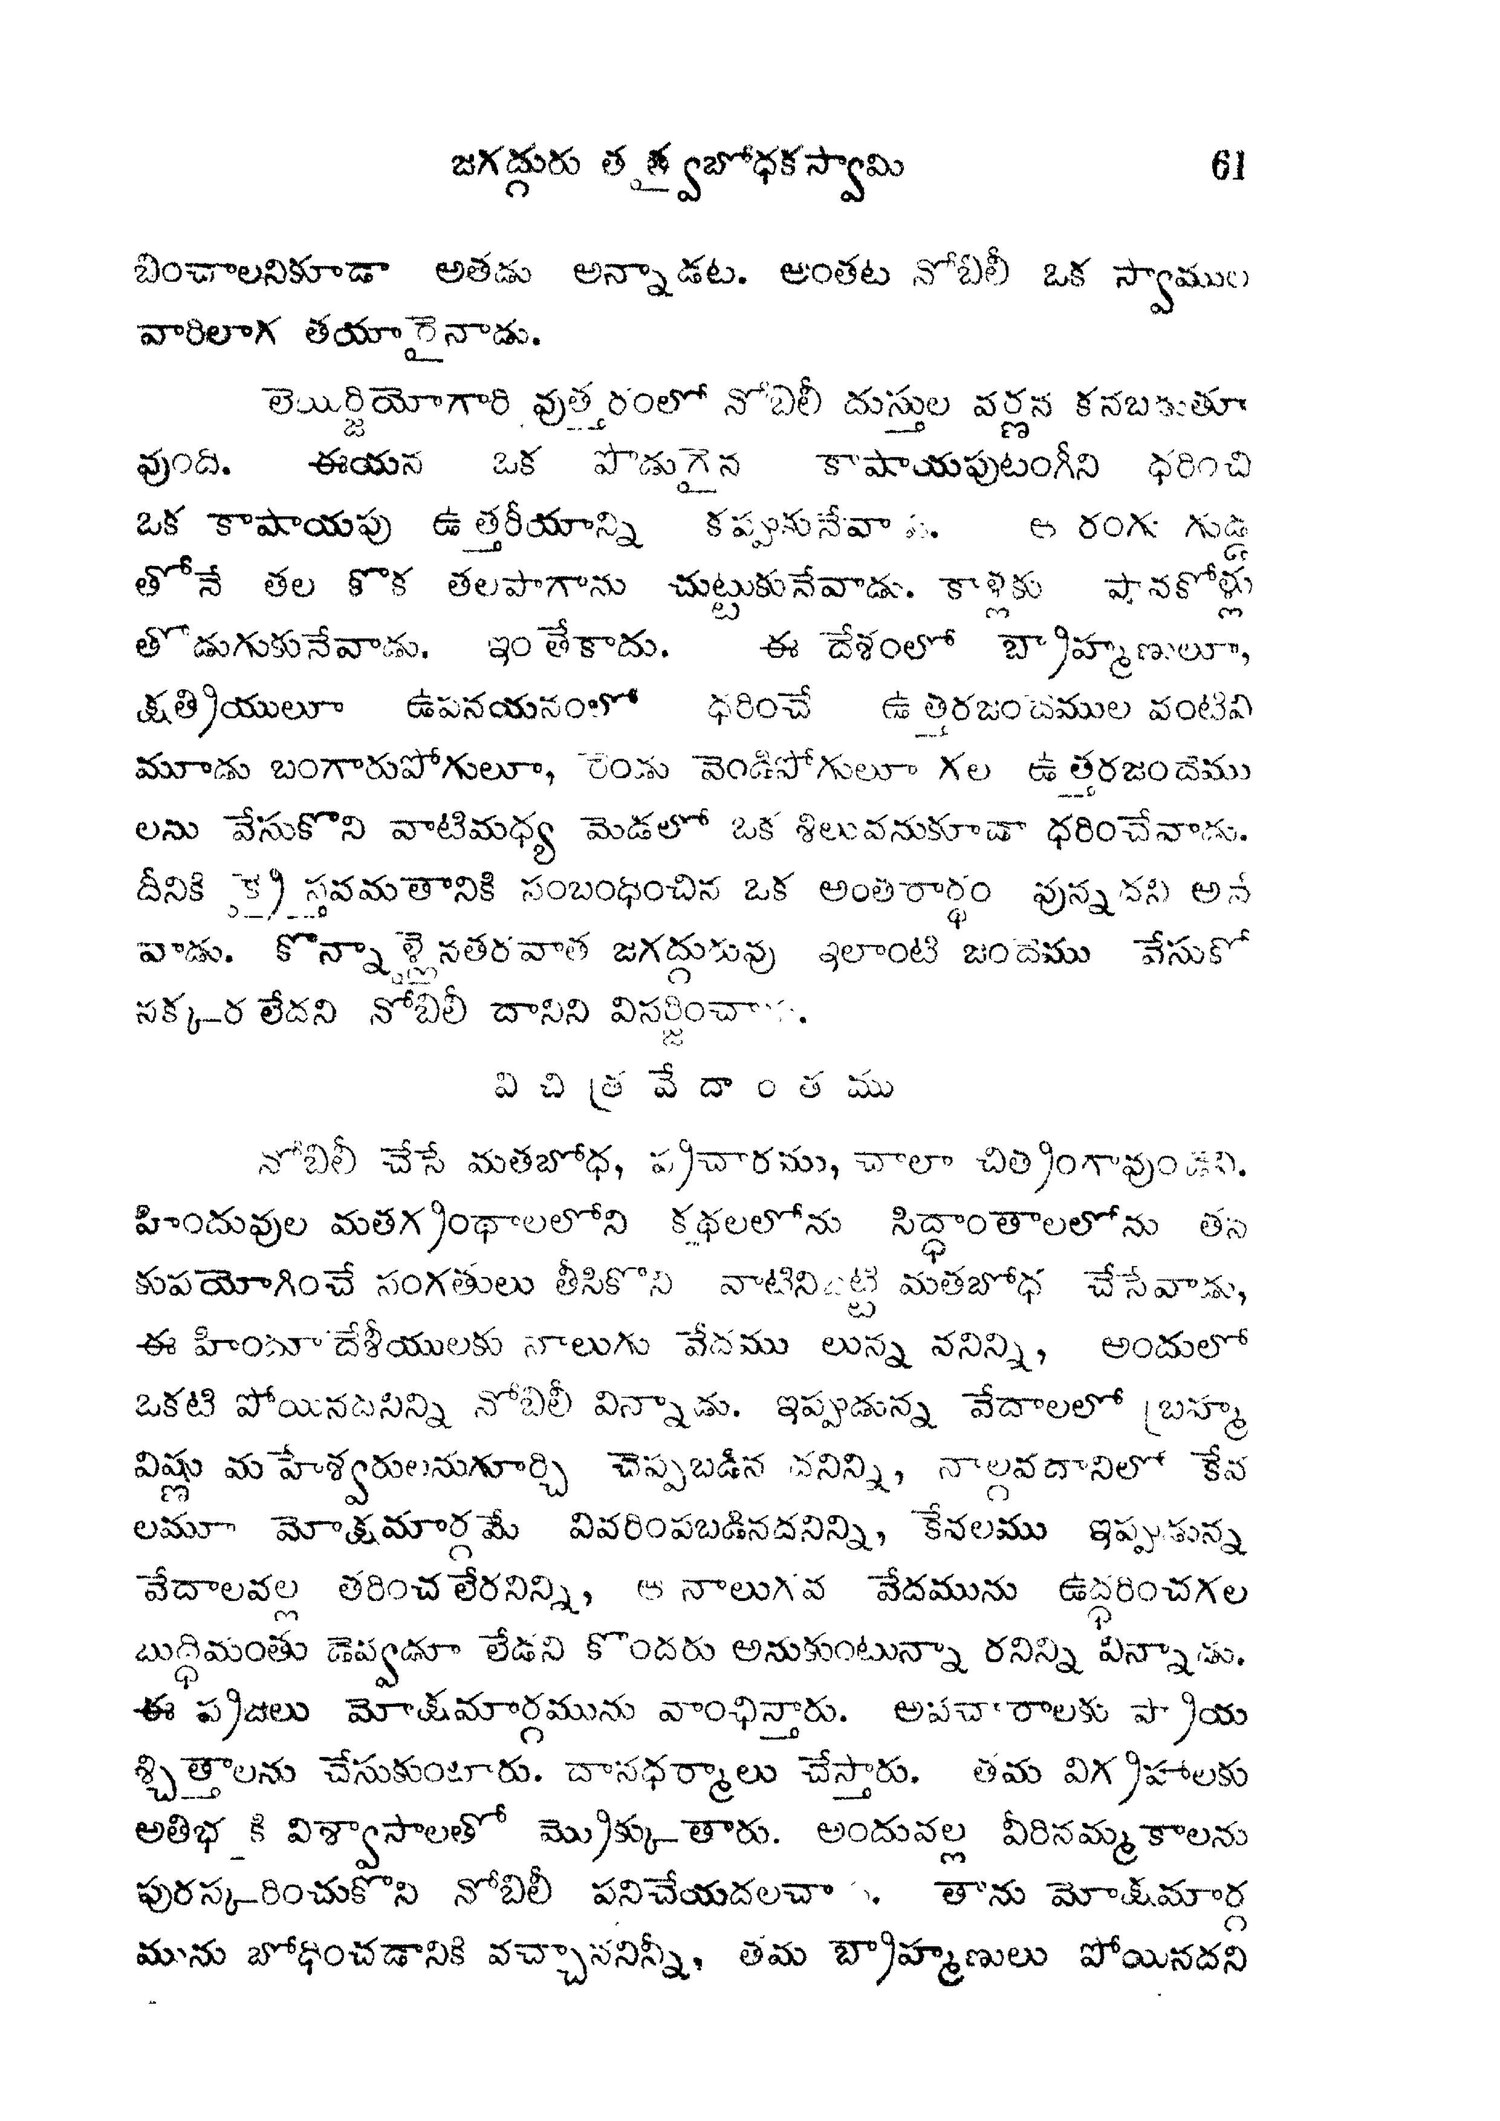బించాలనికూడా అతడు అన్నాడట. అంతట నోబిలీ ఒక స్వాములవారిలాగ తయారైనాడు.

లెయిర్జియోగారి వుత్తరంలో నొబిలీ దుస్తుల వర్ణన కనబడుతూ వుంది. ఈయన ఒక పొడుగైన కాషాయపుటం గీని ధరించి ఒక కాషాయపు ఉత్తరీయాన్ని కప్పుకునేవాడు. ఆ రంగు గుడ్డతోనే తల కొక తలపాగాను చుట్టుకునేవాడు. కాళ్లకు పావుకోళ్లు తొడుగుకునేవాడు. ఇంతేకాదు. ఈ దేశంలో బ్రాహ్మణులూ, క్షత్రియులూ ఉపనయనంలో ధరించే ఉత్తరజందెముల వంటివి మూడు బంగారు పోగులూ, రెండు వెండిపోగులూ గల ఉత్తరజందెములను వేసుకొని వాటిమధ్య మెడలో ఒక శిలువనుకూడా ధరించేవాడు. దీనికి క్రైస్తవమతానికి సంబంధించిన ఒక అంతరార్ధం వున్నదని అనేవాడు. కొన్నళ్లైనతరువాత జగద్గురువు ఇలాంటి జందము వేసుకోనక్కరలేదని నోబిలీ దానిని విసర్జించాడు.

నోబిలీ చేసే మతబోధ, ప్రచారము, చాలా చిత్రంగావుందని హిందువుల మతగ్రంధాలలోని కధలలోను సిద్ధాంతాలలోను తన కుపయోగించే సంగతులు తీసుకొని వాటిని బట్టి మతబోధ చేసేవాడు. ఈ హిందూదేశీయులకు నాలుగు వేదములున్న వనిన్ని, అందులొ ఒకటి పొయినదనిన్నె నోబిలీ విన్నాడు. ఇప్పుడున్న వేదాలలో బ్రహ్మ, విష్ణు మహేశ్వరులనుగూర్చి చెప్పబడిన వనిన్ని నాల్గవదానిలో కేవలమూ మోక్షమార్గమే వివరింపబడినదన్ని, కేవలము ఇప్పుడున్న వేదాలవల్ల తరించలేరనిన్ని, ఆ నాలుగవ వేదమును ఉద్దరించగల బుద్దిమంతు డెవ్వడూ లేడని కొందరు అనుకుంటున్నారనిన్ని విన్నాడు. ఈ ప్రజలు మోక్షమార్గమును వాంఛిస్తారు. అపచారాలకు ప్రాయశ్చిత్తాలను చేసుకుంటారు. దానధర్మాలు చేస్తారు. తమ విగ్రహాలకు అతిభక్తివిశ్వాలతో మ్రొక్కుతారు. అందువల్ల వీరినమ్మకాలను పురస్కరించుకొని నోబిలీ పనిచేయ దలచాడు. తాను మోక్షమార్గమును బోధించడానికి వచ్చాననిన్నీ, తమ బ్రాహ్మణులు పోయినదని